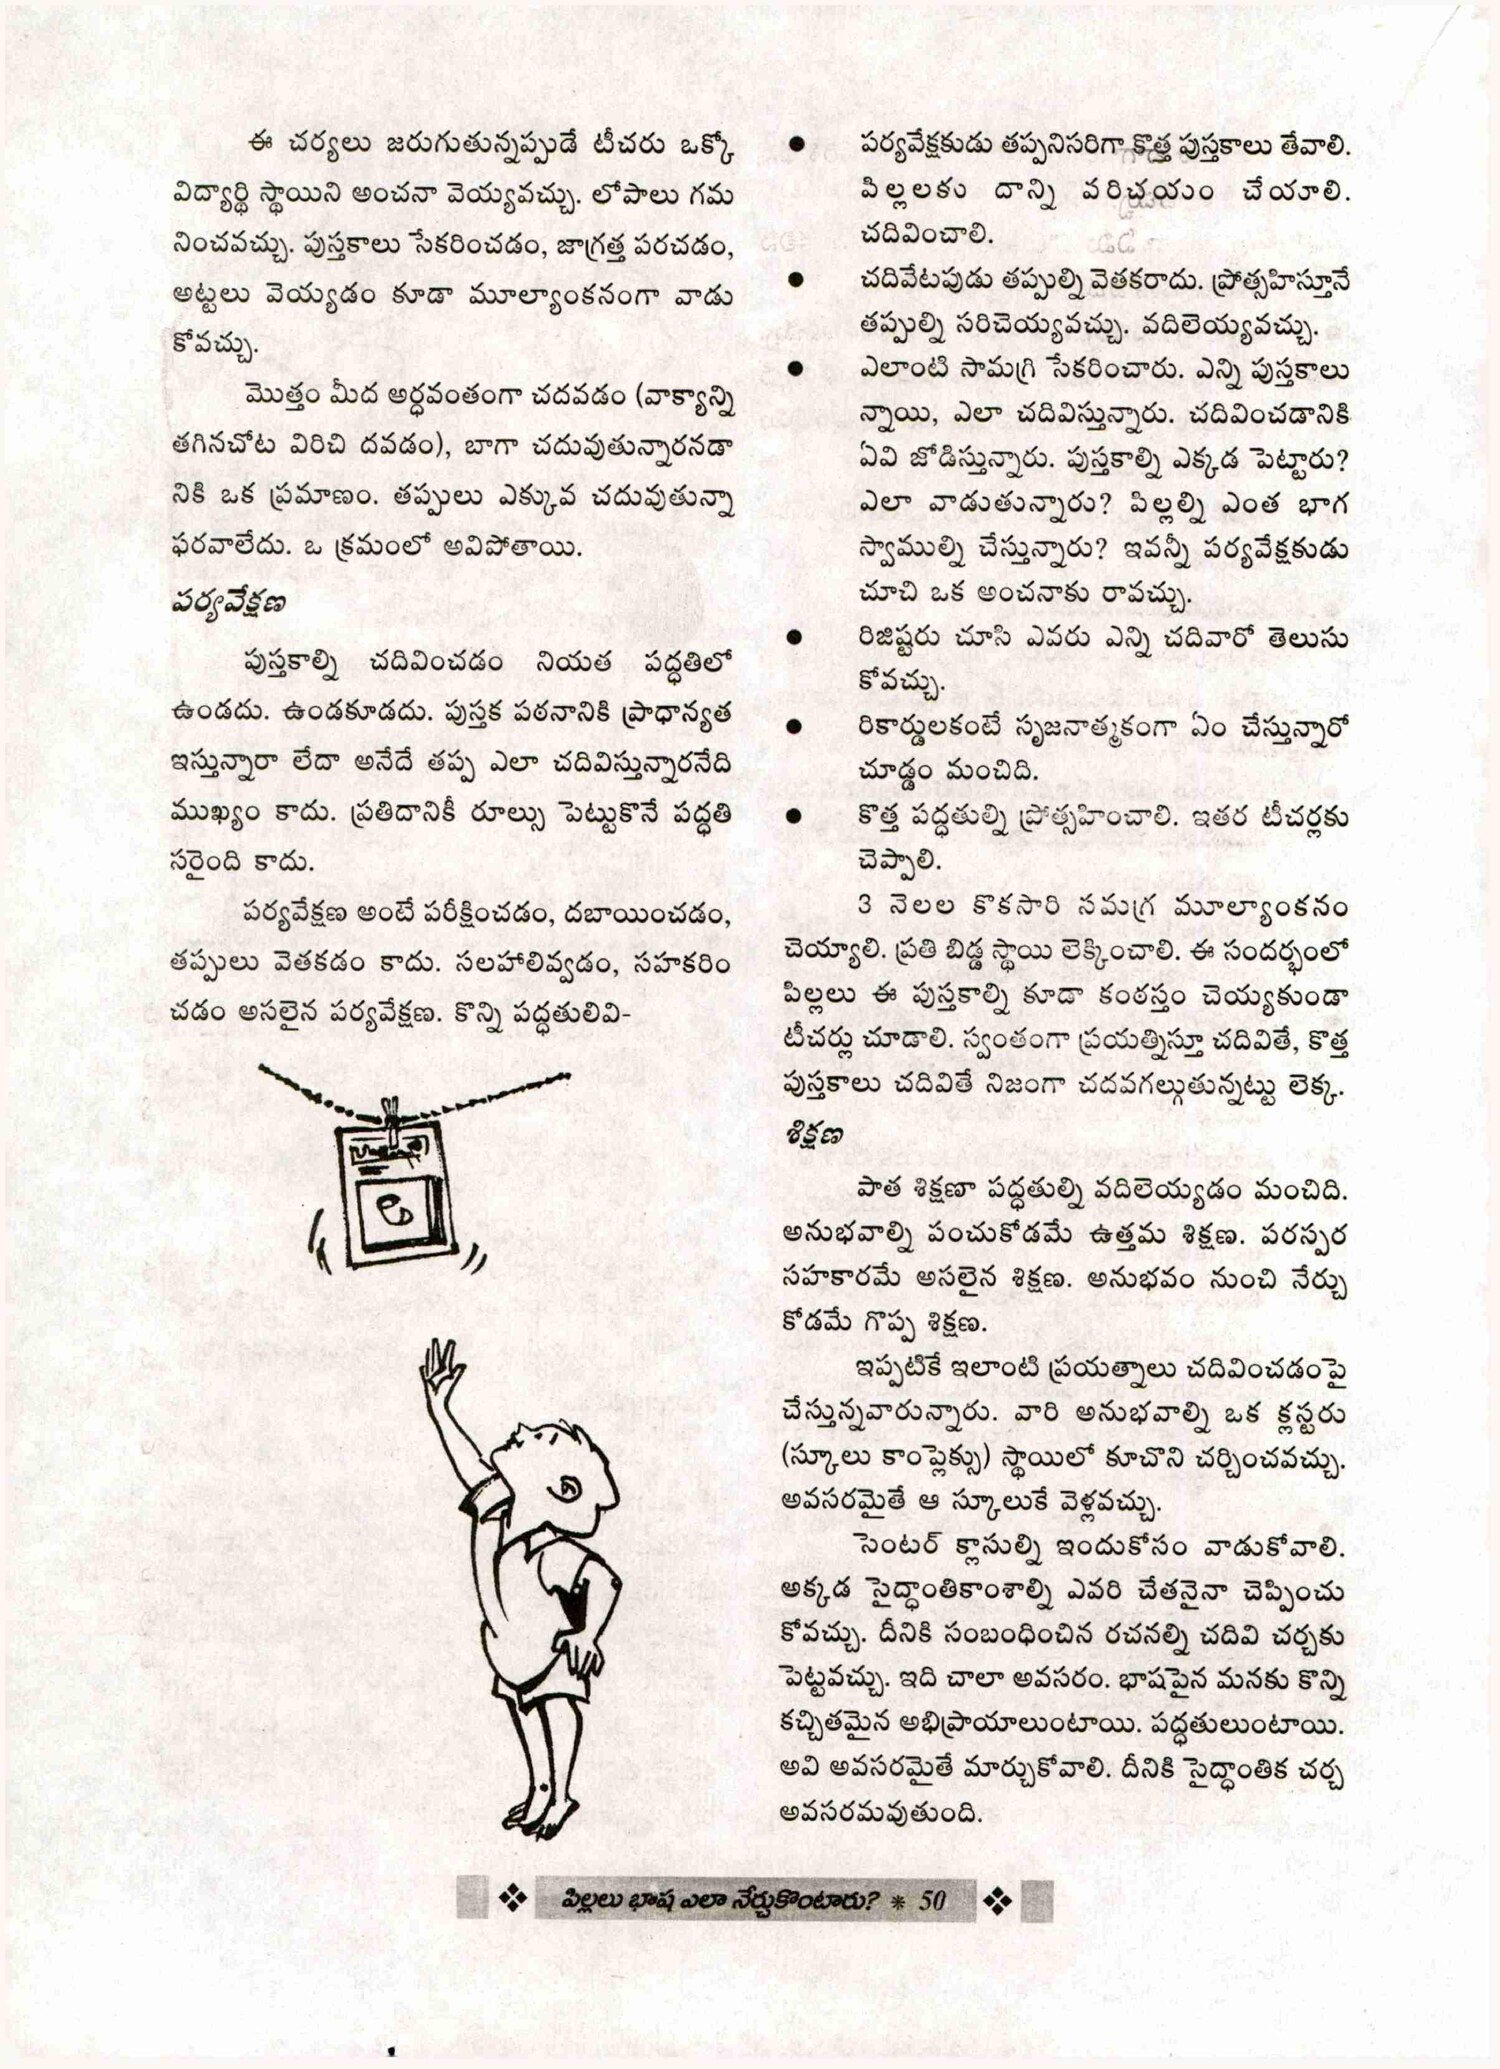ఈ చర్యలు జరుగుతున్నప్పుడే టీచరు ఒక్కో విద్యార్థి స్థాయిని అంచనా వెయ్యవచ్చు. లోపాలు గమనించవచ్చు. పుస్తకాలు సేకరించడం, జాగ్రత్త పరచడం, అట్టలు వెయ్యడం కూడా మూల్యాంకనంగా వాడుకోవచ్చు.

మొత్తం మీద అర్ధవంతంగా చదవడం (వాక్యాన్ని తగినచోట విరిచి దవడం), బాగా చదువుతున్నారనడానికి ఒక ప్రమాణం. తప్పులు ఎక్కువ చదువుతున్నా ఫరవాలేదు. ఒ క్రమంలో అవిపోతాయి.

పర్యవేక్షణ

పుస్తకాల్ని చదివించడం నియత పద్ధతిలో ఉండదు. ఉండకూడదు. పుస్తక పఠనానికి ప్రాధాన్యత ఇస్తున్నారా లేదా అనేదే తప్ప ఎలా చదివిస్తున్నారనేది ముఖ్యం కాదు. ప్రతిదానికీ రూల్సు పెట్టుకొనే పద్ధతి సరైంది కాదు.

పర్యవేక్షణ అంటే పరీక్షించడం, దబాయించడం, తప్పులు వెతకడం కాదు. సలహాలివ్వడం, సహకరించడం అసలైన పర్యవేక్షణ. కొన్ని పద్ధతులివి-

● పర్యవేక్షకుడు తప్పనిసరిగా కొత్త పుస్తకాలు తేవాలి. పిల్లలకు దాన్ని పరిచయం చేయాలి. చదివించాలి.

● చదివేటపుడు తప్పుల్ని వెతకరాదు. ప్రోత్సహిస్తూనే తప్పుల్ని సరిచెయ్యవచ్చు. వదిలెయ్యవచ్చు.

● ఎలాంటి సామగ్రి సేకరించారు. ఎన్ని పుస్తకాలున్నాయి, ఎలా చదివిస్తున్నారు. చదివించడానికి ఏవి జోడిస్తున్నారు. పుస్తకాల్ని ఎక్కడ పెట్టారు? ఎలా వాడుతున్నారు? పిల్లల్ని ఎంత భాగస్వాముల్ని చేస్తున్నారు? ఇవన్నీ పర్యవేక్షకుడు
చూచి ఒక అంచనాకు రావచ్చు.

● రిజిష్టరు చూసి ఎవరు ఎన్ని చదివారో తెలుసు కోవచ్చు.

● రికార్డులకంటే సృజనాత్మకంగా ఏం చేస్తున్నారో చూడ్డం మంచిది.

● కొత్త పద్ధతుల్ని ప్రోత్సహించాలి. ఇతర టీచర్లకు చెప్పాలి.

3 నెలల కొకసారి సమగ్ర మూల్యాంకనం చెయ్యాలి. ప్రతి బిడ్డ స్థాయి లెక్కించాలి. ఈ సందర్భంలో పిల్లలు ఈ పుస్తకాల్ని కూడా కంఠస్తం చెయ్యకుండా టీచర్లు చూడాలి. స్వంతంగా ప్రయత్నిస్తూ చదివితే, కొత్త పుస్తకాలు చదివితే నిజంగా చదవగల్గుతున్నట్టు లెక్క.

శిక్షణ

పాత శిక్షణా పద్ధతుల్ని వదిలెయ్యడం మంచిది. అనుభవాల్ని పంచుకోడమే ఉత్తమ శిక్షణ. పరస్పర సహకారమే అసలైన శిక్షణ. అనుభవం నుంచి నేర్చుకోడమే గొప్ప శిక్షణ.

ఇప్పటికే ఇలాంటి ప్రయత్నాలు చదివించడంపై చేస్తున్నవారున్నారు. వారి అనుభవాల్ని ఒక క్లస్టరు (స్కూలు కాంప్లెక్సు) స్థాయిలో కూచొని చర్చించవచ్చు. అవసరమైతే ఆ స్కూలుకే వెళ్లవచ్చు.

సెంటర్ క్లాసుల్ని ఇందుకోసం వాడుకోవాలి. అక్కడ సైద్ధాంతికాంశాల్ని ఎవరి చేతనైనా చెప్పించుకోవచ్చు. దీనికి సంబంధించిన రచనల్ని చదివి చర్చకు పెట్టవచ్చు. ఇది చాలా అవసరం. భాషపైన మనకు కొన్ని కచ్చితమైన అభిప్రాయాలుంటాయి. పద్ధతులుంటాయి. అవి అవసరమైతే మార్చుకోవాలి. దీనికి సైద్ధాంతిక చర్చ
అవసరమవుతుంది.